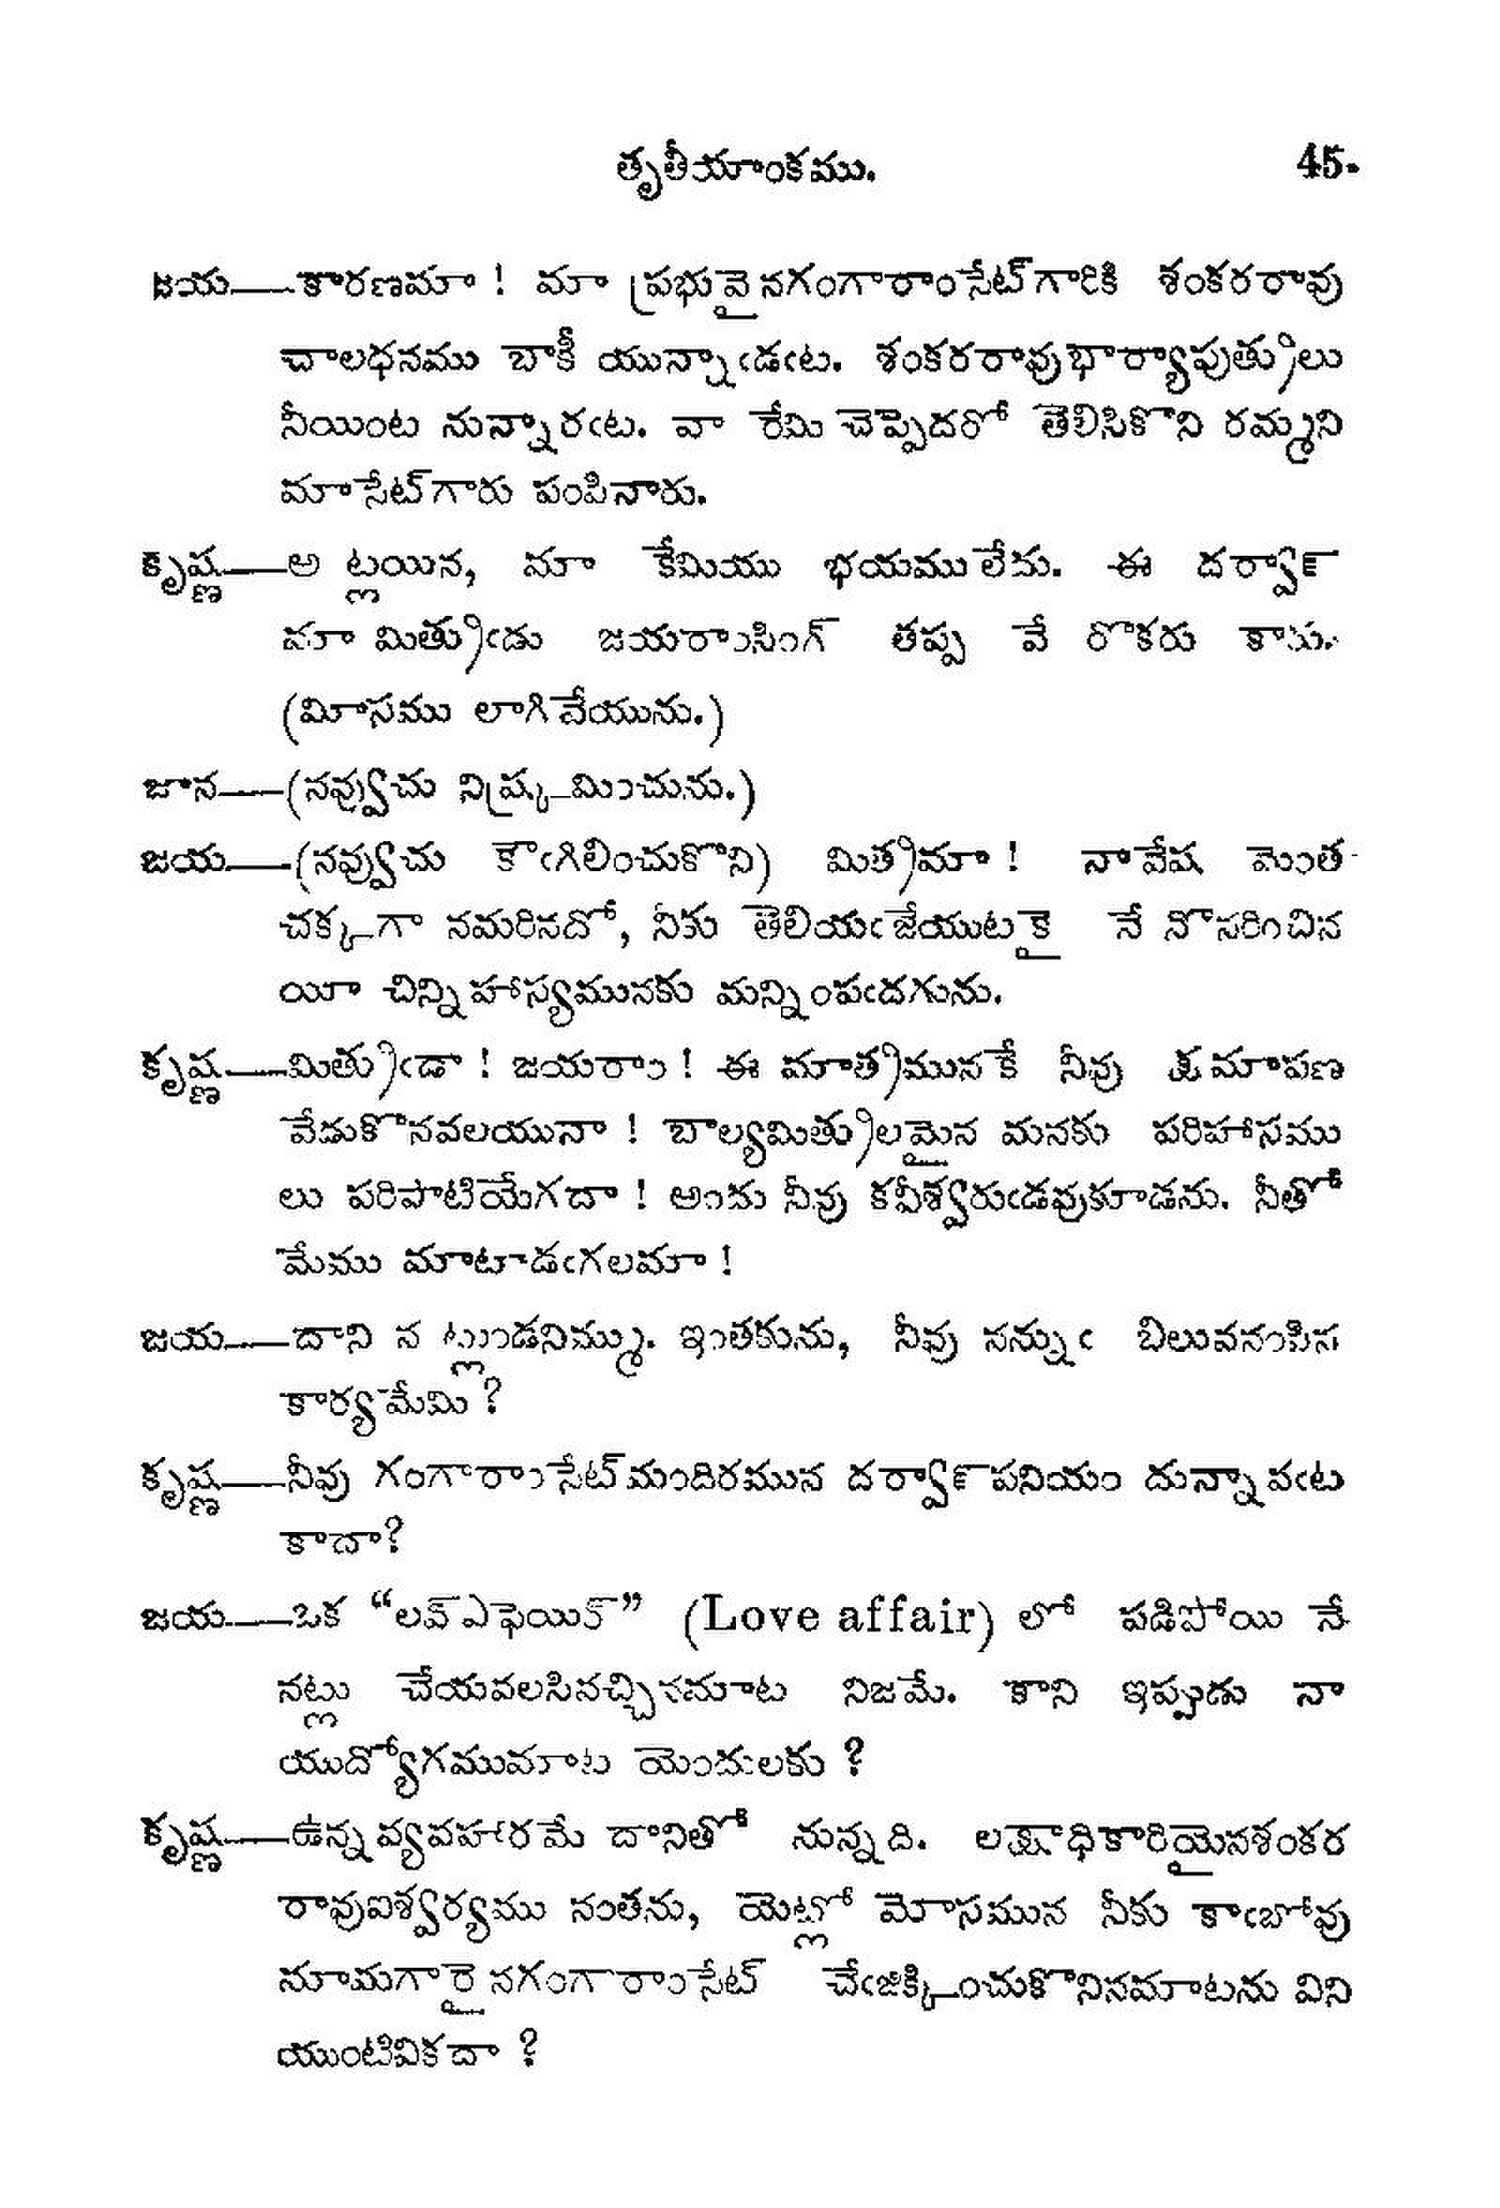జయ - కారణమా ! మా ప్రభువైనగంగారాంసేట్‌గారికి శంకరరావు చాలధనము బాకీ యున్నాఁడఁట. శంకరరావుభార్యాపుత్రులు నీయింట నున్నారఁట. వా రేమి చెప్పెదరో తెలిసికొని రమ్మని మాసేట్‌గారు పంపినారు.

కృష్ణ — అట్లయిన, మా కేమియు భయములేదు. ఈ దర్వాన్ మా మిత్రుడు జయరాంసింగ్ తప్ప వే రొకరు కారు. (మీసము లాగివేయును.)

జాన - (నవ్వుచు నిష్క్రమించును.)

జయ - (నవ్వుచు కౌగిలించుకొని) మిత్రమా ! నావేష మెంత చక్కగా నమరినదో, నీకు తెలియఁజేయుటకై నే నొనరించిన యీ చిన్నిహాస్యమునకు మన్నింపఁదగును.

కృష్ణ - మిత్రుడా ! జయరాం ! ఈ మాత్రమునకే నీవు క్షమాపణ వేడుకొనవలయునా ! బాల్యమిత్రులమైన మనకు పరిహాసములు పరిపాటియేగదా ! అందు నీవు కవీశ్వరుఁడవుకూడను. నీతో మేము మాటాడఁగలమా!

జయ - దాని నట్లుండనిమ్ము. ఇంతకును, నీవు నన్నుఁ బిలువనంపిన కార్యమేమి?

కృష్ణ - నీవు గంగారాంసేట్ మందిరమున దర్వాన్ పనియం దున్నావఁట కాదా?

జయ - ఒక "లవ్ ఎఫెయిర్” (Love affair) లో పడిపోయి నే నట్లు చేయవలసినచ్చినమాట నిజమే. కాని ఇప్పుడు నా యుద్యోగముమాట యెందులకు ?

కృష్ణ - ఉన్న వ్యవహారమే దానితో నున్నది. లక్షాధికారియైనశంకరరావుఐశ్వర్యము నంతను, యెట్లో మోసమున నీకు కాఁబోవు మామగారైనగంగారాంసేట్ చేఁజిక్కించుకొనినమాటను వినియుంటివికదా?